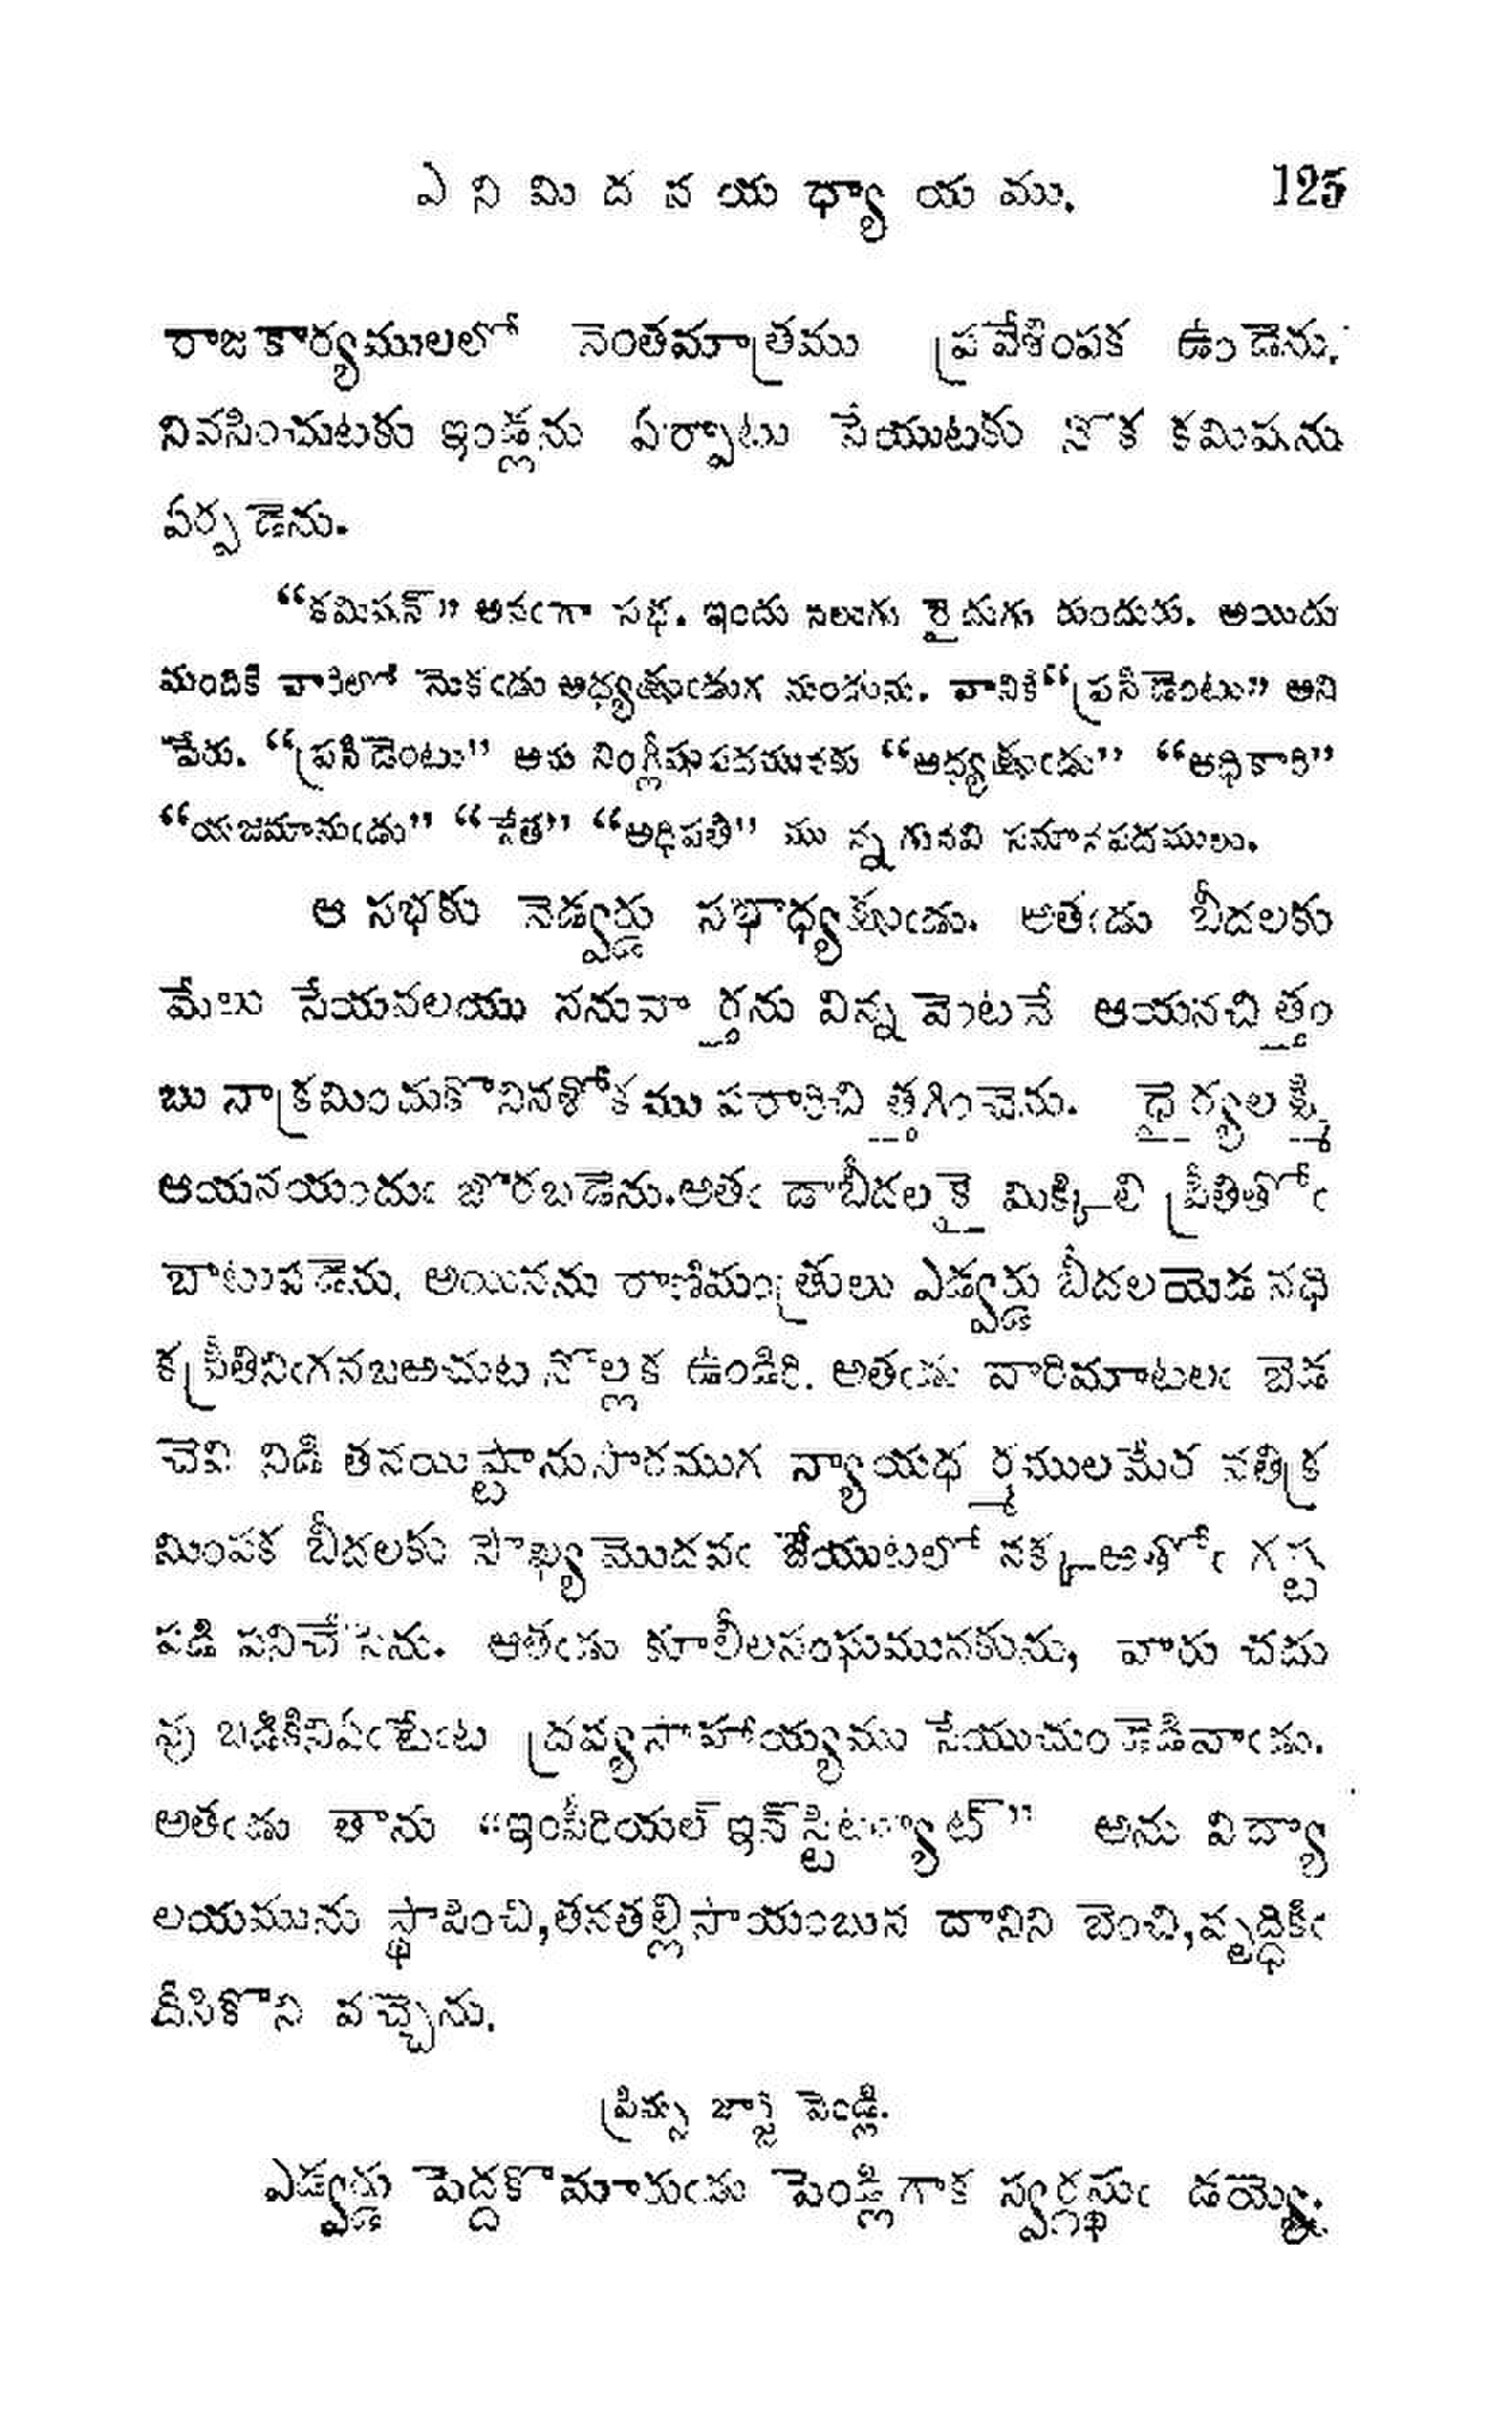రాజ కార్యములలో నెంతమాత్రము ప్రవేశింపక ఉండెను. నివసించుటకు ఇండ్లను ఏర్పాటు సేయుటకు నొక కమిషను ఏర్పడెను.

“కమిషన్ " అనఁగా సభ. ఇందు నలుగు రైదుగురుందురు, అయిదు మందికి వాటిలో "నొకఁడు అధ్యక్షుడుగ నుండును. వానికి "ప్రసి డెంటు" అని పేరు. “ప్రసిడెంటు" అను నింగ్లీషు పదమునకు "అధ్యక్షుడు" "ఆధికారి" యజమానుఁడు" "నేత" “ అధిపతి " మున్నగునవి సమూస పదములు,

ఆ సభకు నెడ్వర్డు సభాధ్యక్షుడు. అతఁడు బీదలకు మేలు సేయవలయు ననువార్తను విన్న వెటనే ఆయనచిత్తం బు నాక్రమించుకొనిన శోకము పరారి చిత్తగించెను. దైర్యలక్ష్మి ఆయన యందుఁ జొరబడెను.అతడా బీదలకై మిక్కిలి ప్రీతితో బాటు పడెను. అయినను రాజమంత్రులు ఎడ్వర్డు బీదల యెడ నధి కు ప్రీతినిఁగన బరచుట నొల్లక ఉండిరి. అతఁడు వారిమాటబెడ చెవినిడి తన యిష్టాను సారముగ న్యాయధర్మముల మేర సతిక్ర మింపక బీదలకు సౌఖ్య మొదవఁ జేయుటలో సక్కఱతో గష్ట పడి పనిచేసెను. ఆతడు కూలీల సంఘమునకును, వారు చదు వు బడికిని ఏటేట ద్రవ్య సాహాయ్యము సేయుచుండినాఁడు. అతఁడు తాను ఇంపీరియల్ ఇన్ స్టిట్యూట్" అను విద్యా లయమును స్థాపించి, తనతల్లి సాయంబున దానిని బెంచి,వృద్ధికి దీసికొని వచ్చెను.

ప్రిన్సు జార్జి పెండ్లి

ఎడ్వర్లు పెద్దకొమారుఁడు "పెండ్లీ గాక స్వర్గస్థుఁ డయ్యే: